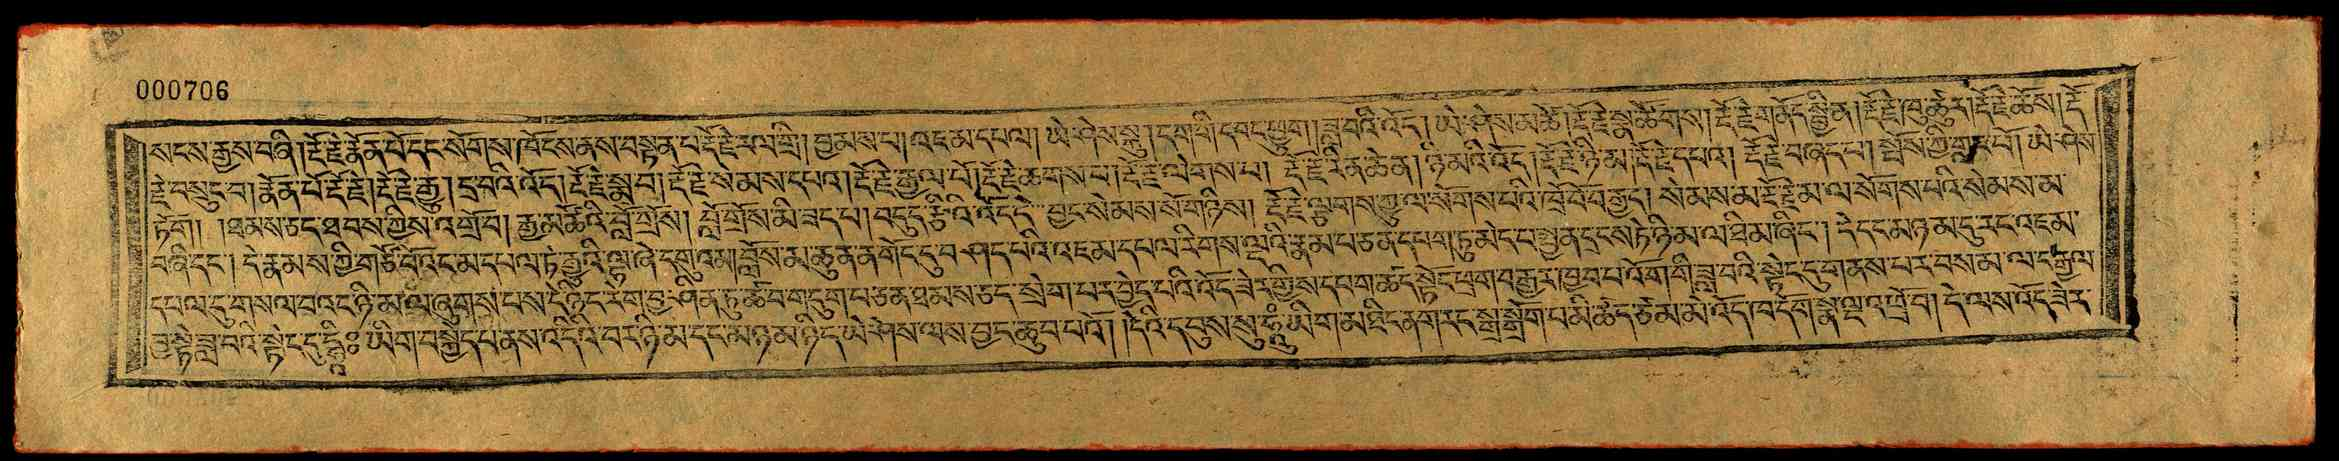སངས་རྒྱས་བཞི། རྡོ་རྗེ་རྣོན་པོ་དང་སོགས་ཁོངས་ནས་བསྟན་པ་རྡོ་རྗེ་རལ་གྲི། བྱམས་པ། འཇམ་དཔལ། ཡེ་ཤེས་སྐུ། ངག་གི་དབང་ཕྱུག །ཟླ་བའི་འོད། ཡེ་ཤེས་མཚོ། རྡོ་རྗེ་སྣ་ཚོགས། རྡོ་རྗེ་གནོད་སྦྱིན། རྡོ་རྗེ་ཁུ་ཚུར། རྡོ་རྗེ་ཆོས། རྡོ་
རྗེ་བསྲུང་བ། རྣོན་པོ་རྡོ་རྗེ། རྡོ་རྗེ་རྒྱུ། དྲ་བའི་འོད། རྡོ་རྗེ་སྨ་བ། རྡོ་རྗེ་སེམས་དཔའ། རྡོ་རྗེ་རྒྱལ་པོ། རྡོ་རྗེ་ཆགས་པ། རྡོ་རྗེ་ལེགས་པ། རྡོ་རྗེ་རིན་ཆེན། ཉི་མའི་འོད། རྡོ་རྗེ་ཉི་མ། རྡོ་རྗེ་དཔའ། རྡོ་རྗེ་བཞད་པ། སྤོས་ཀྱི་གླང་པོ། ཡེ་ཤེས་
ཏོག །ཐམས་ཅད་ཐབས་ཀྱིས་འགྲོ་བ། རྒྱ་མཚོའི་བློ་གྲོས། བློ་གྲོས་མི་ཟད་པ། བདུད་རྩིའི་འོད་དེ་བྱང་སེམས་སོ་གཉིས། རྡོ་རྗེ་ལྕགས་ཀྱུ་ལ་སོགས་པའི་ཁྲོ་བོ་བརྒྱད། སེམས་མ་རྡོ་རྗེ་མ་ལ་སོགས་པའི་སེམས་མ་
བཞི་དང་། དེ་རྣམས་ཀྱི་གཙོ་བོ་འཇམ་དཔལ་ཏེ་རྒྱུའི་ལྷ་ཞེ་དགུའམ། བློས་མ་ཆུན་ན་གོང་དུ་བཤད་པའི་འཇམ་དཔལ་རིགས་ལྔའི་རྣམ་པ་ཅན་དཔག་ཏུ་མེད་པ་སྤྱན་དྲངས་ཏེ་ཉི་མ་ལ་ཐིམ་ཞིང་། དེ་དང་མཉམ་དུ་རང་འཇམ་
དཔལ་དུ་གསལ་བའང་ཉི་མ་ལ་ཞུགས་པས་དེ་ཉིད་རེག་བྱ་ཤིན་ཏུ་ཚ་བ་གདུག་པ་ཅན་ཐམས་ཅད་སྲེག་པར་བྱེད་པའི་འོད་ཟེར་གྱིས་དཔག་ཚད་སྟོང་ཕྲག་བརྒྱར་ཁྱབ་པ་འོག་གི་ཟླ་བའི་སྟེང་དུ་གནས་པར་བསམ་ལ་ང་རྒྱལ་
བྱ་སྟེ་ཟླ་བའི་སྟེང་དུ་དྷཱིཿ ཡིག་བསྐྱེད་པ་ནས་འདིའི་བར་ཉི་མ་དང་མཉམ་ཉིད་ཡེ་ཤེས་ལས་བྱང་ཆུབ་པའོ། །དེའི་དབུས་སུ་ཧཱུཾ་ཡིག་མཐིང་ནག་རང་སྒྲ་སྒྲོག་པ་མི་ཚད་ཙམ་མེ་འོད་ཁ་དོག་སྣ་ལྔ་འཕྲོ་བ། དེ་ལས་འོད་ཟེར་